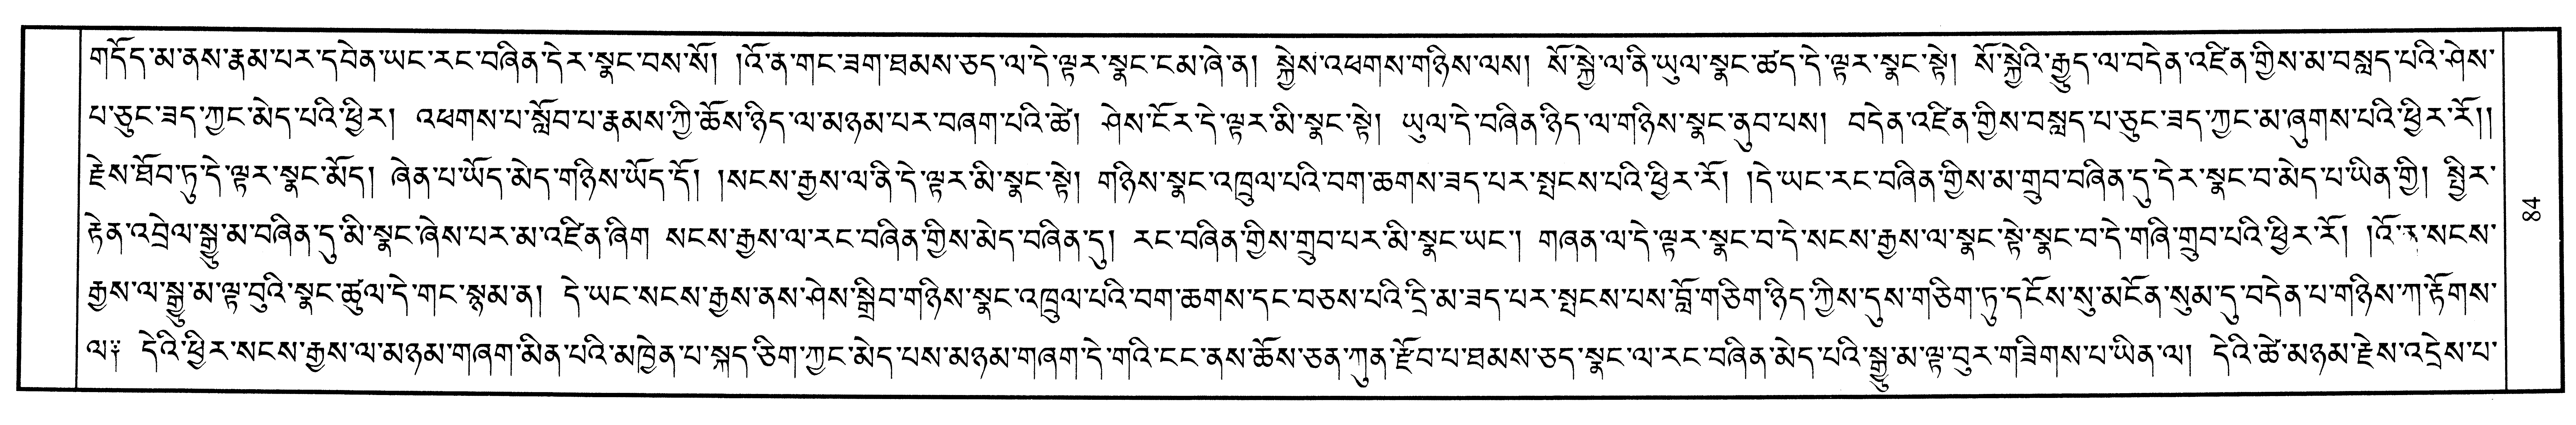གདོད་མ་ནས་རྣམ་པར་དབེན་ཡང་རང་བཞིན་དེར་སྣང་བས་སོ། །འོ་ན་གང་ཟག་ཐམས་ཅད་ལ་དེ་ལྟར་སྣང་ངམ་ཞེ་ན། སྐྱེས་འཕགས་གཉིས་ལས། སོ་སྐྱེ་ལ་ནི་ཡུལ་སྣང་ཚད་དེ་ལྟར་སྣང་སྟེ། སོ་སྐྱེའི་རྒྱུད་ལ་བདེན་འཛིན་གྱིས་མ་བསླད་པའི་ཤེས་
པ་ཅུང་ཟད་ཀྱང་མེད་པའི་ཕྱིར། འཕགས་པ་སློབ་པ་རྣམས་ཀྱི་ཆོས་ཉིད་ལ་མཉམ་པར་བཞག་པའི་ཚེ། ཤེས་ངོར་དེ་ལྟར་མི་སྣང་སྟེ། ཡུལ་དེ་བཞིན་ཉིད་ལ་གཉིས་སྣང་ནུབ་པས། བདེན་འཛིན་གྱིས་བསླད་པ་ཅུང་ཟད་ཀྱང་མ་ཞུགས་པའི་ཕྱིར་རོ།།
རྗེས་ཐོབ་ཏུ་དེ་ལྟར་སྣང་མོད། ཞེན་པ་ཡོད་མེད་གཉིས་ཡོད་དོ། །སངས་རྒྱས་ལ་ནི་དེ་ལྟར་མི་སྣང་སྟེ། གཉིས་སྣང་འཁྲུལ་པའི་བག་ཆགས་ཟད་པར་སྤངས་པའི་ཕྱིར་རོ། །དེ་ཡང་རང་བཞིན་གྱིས་མ་གྲུབ་བཞིན་དུ་དེར་སྣང་བ་མེད་པ་ཡིན་གྱི། སྤྱིར་
རྟེན་འབྲེལ་སྒྱུ་མ་བཞིན་དུ་མི་སྣང་ཞེས་པར་མ་འཛིན་ཞིག །སངས་རྒྱས་ལ་རང་བཞིན་གྱིས་མེད་བཞིན་དུ། རང་བཞིན་གྱིས་གྲུབ་པར་མི་སྣང་ཡང་། གཞན་ལ་དེ་ལྟར་སྣང་བ་དེ་སངས་རྒྱས་ལ་སྣང་སྟེ་སྣང་བ་དེ་གཞི་གྲུབ་པའི་ཕྱིར་རོ། །འོ་ན་སངས་
རྒྱས་ལ་སྒྱུ་མ་ལྟ་བུའི་སྣང་ཚུལ་དེ་གང་སྙམ་ན། དེ་ཡང་སངས་རྒྱས་ནས་ཤེས་སྒྲིབ་གཉིས་སྣང་འཁྲུལ་པའི་བག་ཆགས་དང་བཅས་པའི་དྲི་མ་ཟད་པར་སྤངས་པས་བློ་གཅིག་ཉིད་ཀྱིས་དུས་གཅིག་ཏུ་དངོས་སུ་མངོན་སུམ་དུ་བདེན་པ་གཉིས་ཀ་རྟོགས་
ལ༑ དེའི་ཕྱིར་སངས་རྒྱས་ལ་མཉམ་གཞག་མིན་པའི་མཁྱེན་པ་སྐད་ཅིག་ཀྱང་མེད་པས་མཉམ་གཞག་དེ་གའི་ངང་ནས་ཆོས་ཅན་ཀུན་རྫོབ་པ་ཐམས་ཅད་སྣང་ལ་རང་བཞིན་མེད་པའི་སྒྱུ་མ་ལྟ་བུར་གཟིགས་པ་ཡིན་ལ། དེའི་ཚེ་མཉམ་རྗེས་འདྲེས་པ་